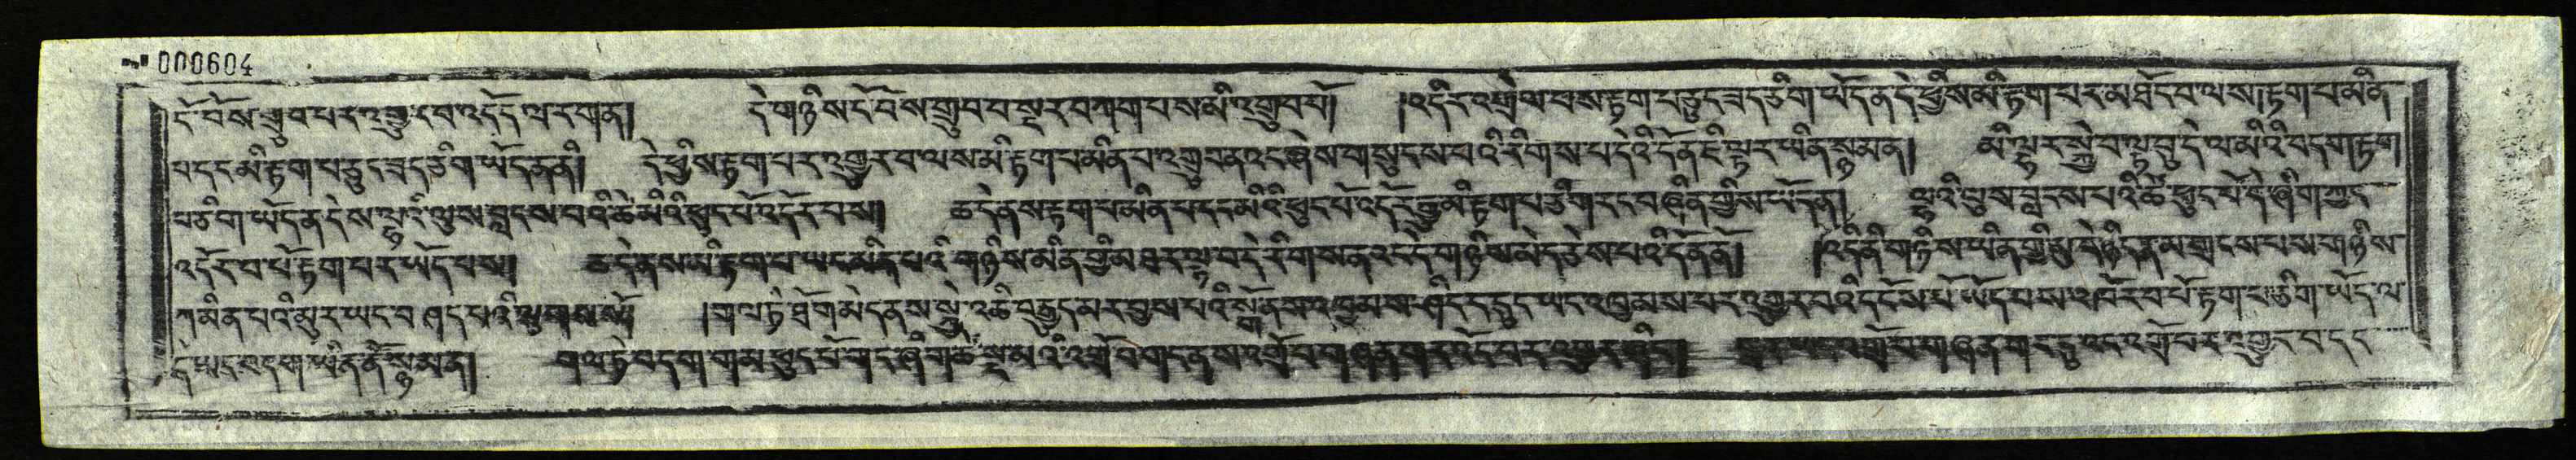ངོ་བོས་གྲུབ་པར་འགྱུར་བ་འདོད་ལ་རག་ན། དེ་གཉིས་ངོ་བོས་གྲུབ་པ་སྔར་བཀག་པས་མི་འགྲུབ་བོ། །འདིར་འགྲེལ་པས་རྟག་པ་ཅུང་ཟད་ཅིག་ཡོད་ན་དེ་ཕྱིས་མི་རྟག་པར་མཐོང་བ་ལས། རྟག་པ་མིན་
པ་དང་མི་རྟག་པ་ཅུང་ཟད་ཅིག་ཡོད་ན་ནི། དེ་ཕྱིས་རྟག་པར་འགྱུར་བ་ལས་མི་རྟག་པ་མིན་པ་འགྲུབ་ནའང་ཞེས་གསུངས་པའི་རིགས་པ་དེའི་དོན་ཇི་ལྟར་ཡིན་སྙམ་ན། མི་ལྷར་སྐྱེ་བ་ལྟ་བུ་དེ་ལ་མིའི་བདག་རྟག་
པ་ཅིག་ཡོད་ན་དེས་ལྷའི་ལུས་བླངས་པའི་ཚེ་མིའི་ཕུང་པོ་འདོར་པས། ཆ་དེ་ནས་རྟག་པ་མིན་པ་དང་མིའི་ཕུང་པོ་འདོར་རྒྱུ་མི་རྟག་པ་ཅིག་རང་བཞིན་གྱིས་ཡོད་ན། ལྷའི་ལུས་བླངས་པའི་ཚེ་ཕུང་པོ་དེ་ཞིག་ཀྱང་
འདོར་བ་པོ་རྟག་པར་ཡོད་པས། ཆ་དེ་ནས་མི་རྟག་པ་ཡང་མིན་པའི་གཉིས་མིན་གྱི་མཐར་ལྟ་བ་དེ་རིགས་ནའང་དེ་གཉིས་མེད་ཅེས་པའི་དོན་ནོ། །འདི་ནི་གཉིས་ཡིན་གྱི་མུ་དེ་ཉིད་རྣམ་གྲངས་པས་གཉིས་
ཀ་མིན་པའི་མུར་ཡང་བཤད་པའི་ལུགས་སོ། །གལ་ཏེ་ཐོག་མེད་ནས་སྐྱེ་འཆི་བརྒྱུད་མར་བྱས་པའི་སྒོ་ནས་འཁྱམས་ཤིང་ད་དུང་ཡང་འཁྱམས་པར་འགྱུར་བའི་དངོས་པོ་ཡོད་པས་འཁོར་བ་པོ་རྟག་པ་ཅིག་ཡོད་ལ་
དེ་ཡང་བདག་ཡིན་ནོ་སྙམ་ན། གལ་ཏེ་བདག་གམ་ཕུང་པོ་གང་ཞིག་ཚེ་སྔ་མའི་འགྲོ་བ་གང་ནས་འགྲོ་བ་གཞན་གར?་འོང་བར་འགྱུར་ཞིང་། སླར་ཡང་འགྲོ་བ་གཞན་གང་དུ་འང་འགྲོ་བར་འགྱུར་བ་དང་